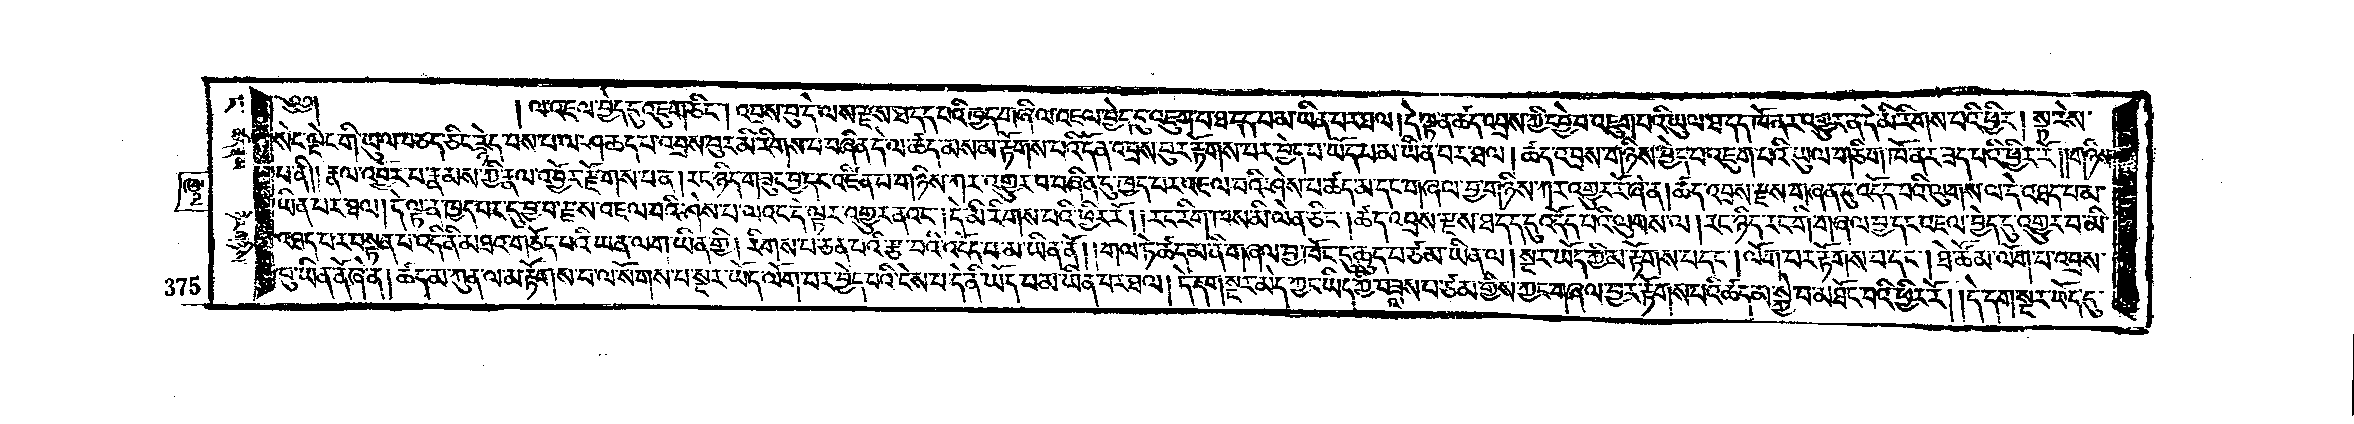༄༅། །ལ་འཇལ་བྱེད་དུ་འཇུག་ཅིང་། འབྲས་བུ་དེ་ལས་རྫས་ཐ་དད་པའི་ཁྱད་གཞི་ལ་འཇལ་བྱེད་དུ་འཇུག་པ་ཐ་དད་པ་མ་ཡིན་པར་ཐལ། དེ་ལྟར་ཚད་འབྲས་ཀྱི་དབྱེ་བ་འཇུག་པའི་ཡུལ་ཐ་དད་ཁོ་ནར་འགྱུར་ན་དེ་མི་རིགས་པའི་ཕྱིར། སྟ་རེས་
སེང་ལྡེང་གི་ཡུལ་བཅད་ཅིང་རྙེད་པས་པ་ལ་ཤ་ཆད་པ་འབྲས་བུར་མི་རིགས་པ་བཞིན་དེ་ལ་ཚད་མས་མ་རྟོགས་པའི་དོན་འབྲས་བུར་རྟོགས་པར་བྱེད་པ་ཡོད་པ་མ་ཡིན་པར་ཐལ། ཚད་འབྲས་གཉིས་བྱེད་པ་འཇུག་པའི་ཡུལ་གཅིག་ཁོ་ནར་ཟད་པའི་ཕྱིར་རོ། །གཉིས་
པ་ནི། རྣལ་འབྱོར་པ་རྣམས་ཀྱི་རྣལ་འབྱོར་རྫོགས་པ་ན། རང་ཉིད་གཟུང་བྱ་དང་འཛིན་པ་གཉིས་ཀར་འགྱུར་པ་བཞིན་དུ་ཁྱད་པར་འཇལ་བའི་ཤེས་པ་ཚད་མ་དང་གཞལ་བྱ་གཉིས་ཀར་འགྱུར་རོ་ཞེ་ན། ཚད་འབྲས་རྫས་གཞན་དུ་འདོད་པའི་ལུགས་ལ་དེ་འཐད་པ་མ་
ཡིན་པར་ཐལ། དེ་ལེ་ལྟ་ན་ཁྱད་པར་དུ་བྱ་བ་རྫས་འཇལ་བའི་ཤེས་པ་ལའང་དེ་ལྟར་འགྱུར་ནའང་། དེ་མི་རིགས་པའི་ཕྱིར་རོ། །རང་རིག་ཁས་མི་ལེན་ཅིང་། ཚད་འབྲས་རྫས་ཐ་དད་དུ་འདོད་པའི་ལུགས་ལ། རང་ཉིད་རང་གི་གཞལ་བྱ་དང་འཇལ་བྱེད་དུ་འགྱུར་བ་མི་
འཐད་པར་བསྟན་པ་འདི་ནི་མཐའ་གཅོད་པའི་ཡན་ལག་ཡིན་གྱི། རིགས་པ་ཅན་པའི་རྩ་བའི་འདོད་པ་མ་ཡིན་ནོ། །གལ་ཏེ་ཚད་མ་ནི་གཞལ་བྱ་ཁོང་དུ་ཆུད་པ་ཙམ་ཡིན་ལ། སྔར་ཡོད་ཀྱི་མ་རྟོགས་པ་དང་། ལོག་པར་རྟོགས་པ་དང་། ཐེ་ཚོམ་ལོག་པ་འབྲས་
བུ་ཡིན་ནོ་ཞེ་ན། ཚད་མ་ཀུན་ལ་མ་རྟོགས་པ་ལ་སོགས་པ་སྔར་ཡོད་ལོག་བར་བྱེད་པའི་ངེས་པ་དེ་ནི་ཡོད་པ་མ་ཡིན་པར་ཐལ། དེ་དག་སྔར་མེད་ཀྱང་ཡིད་ཀྱི་བཟླས་བ་ཙམ་གྱིས་ཀྱང་གཞལ་བྱར་རྟོགས་པའི་ཚད་མ་སྐྱེ་བ་མཐོང་བའི་ཕྱིར་རོ། །དེ་དག་སྔར་ཡོད་དུ་